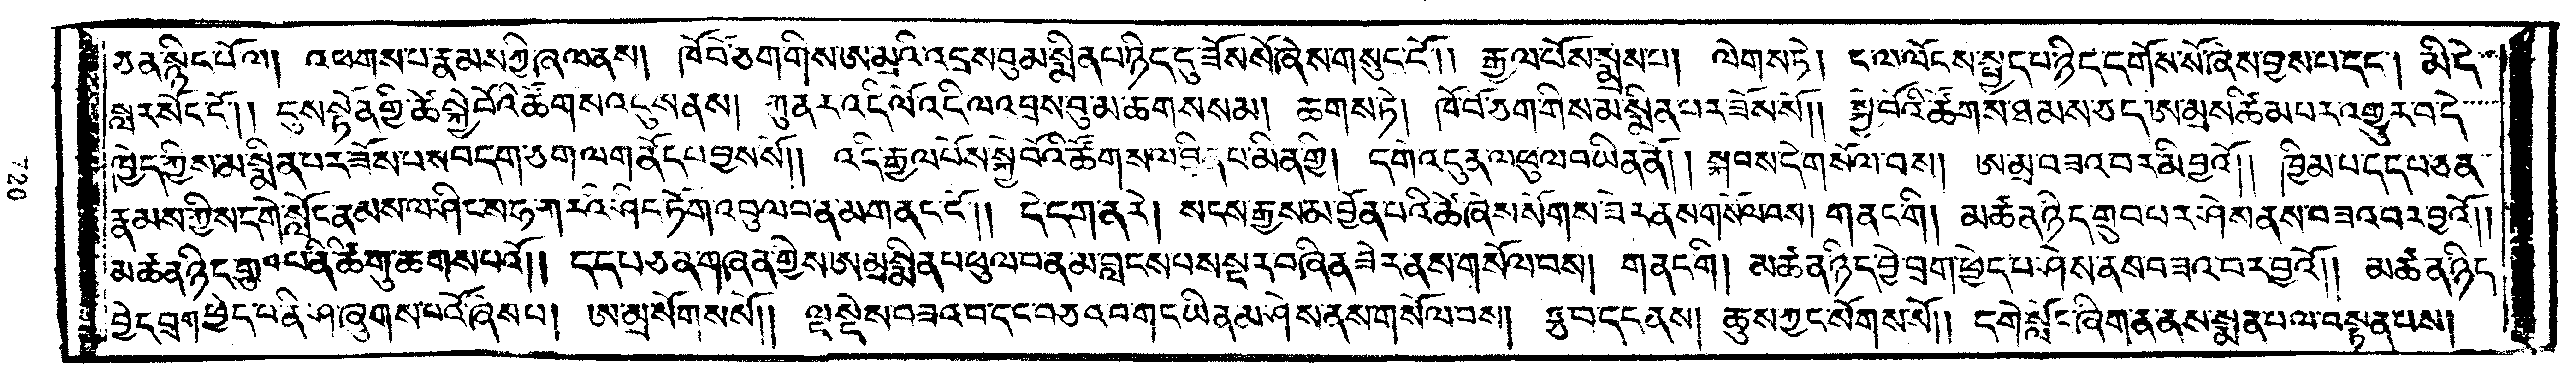ཅན་སྙིང་པོ་ལ། འཕགས་པ་རྣམས་ཀྱི་ཞལ་ནས། ཁོ་བོ་ཅག་གིས་ཨ་མྲའི་འདྲས་བུམ་སྨིན་པ་ཉིད་དུ་ཟོས་སོ་ཞེས་གསུང་ངོ།། རྒྱལ་པོས་སྨྲས་པ། ལེགས་ཏེ། ང་ལ་ལོངས་སྤྱད་པ་ཉིད་དགོས་སོ་ཞེས་བྱས་པ་དང་། མི་དེ་
སླར་སོང་ངོ།། དུས་སྟོན་གྱི་ཚེ་སྐྱེ་བོའི་ཚོགས་འདུས་ནས། ཀུན་ར་འདི་ལོ་འདི་ལ་འབྲས་བུ་མ་ཆགས་སམ། ཆགས་ཏེ། ཁོ་བོ་ཅག་གིས་མ་སྨིན་པར་ཟོས་སོ།། སྐྱེ་བོའི་ཚོགས་ཐམས་ཅད་ཨ་མྲས་ཚིམ་པར་འགྱུར་བ་དེ་
ཁྱེད་ཀྱིས་མ་སྨིན་པར་ཟོས་པས་བདག་ཅག་ལ་གནོད་པ་བྱས་སོ།། འདི་རྒྱལ་པོས་སྐྱེ་བོའི་ཚོགས་ལ་བྱིན་པ་མིན་གྱི། དགེ་འདུན་ལ་ཕུལ་བ་ཡིན་ནོ། །སྐབས་དེ་གསོལ་བས། ཨ་མྲ་བཟའ་བར་མི་བྱའོ།། ཁྱིམ་པ་དད་པ་ཅན་
རྣམས་ཀྱིས་དགེ་སློང་རྣམས་ལ་ཤིང་ས་ཧ་ཀ་རའི་ཤིང་ཏོག་འབུལ་བ་ན་མ་གནང་ངོ།། དེ་དག་ན་རེ། སངས་རྒྱས་མ་བྱོན་པའི་ཚེ་ཞེས་སོགས་ཟེར་ནས་གསོལ་བས། གནང་གི། མཚན་ཉིད་གྲུབ་པར་ཤེས་ནས་བཟའ་བར་བྱའོ།།
མཚན་ཉིད་གྲུབ་པ་ནི་ཚི་གུ་ཆགས་པའོ།། དད་པ་ཅན་གཞན་གྱིས་ཨ་མྲ་སྨིན་པ་ཕུལ་བ་ན་མ་བླངས་པས་སྔར་བཞིན་ཟེར་ནས་གསོལ་བས། གནང་གི། མཚན་ཉིད་བྱེ་བྲག་ཕྱེད་པ་ཤེས་ནས་བཟའ་བར་བྱའོ།། མཚན་ཉིད་
བྱེད་བྲག་ཕྱེད་པ་ནི་ཤ་ཞུགས་པའོ་ཞེས་པ། ཨ་མྲ་སོགས་སོ།། ལྔ་སྡེས་བཟའ་བ་དང་བཅའ་བ་གང་ཡིན་མ་ཤེས་ནས་གསོལ་བས། རྩ་བ་དང་ནས། ཆུས་ཀྱང་སོགས་སོ།། དགེ་སློང་ཞིག་ན་ནས་སྨན་པ་ལ་བསྟན་པས་